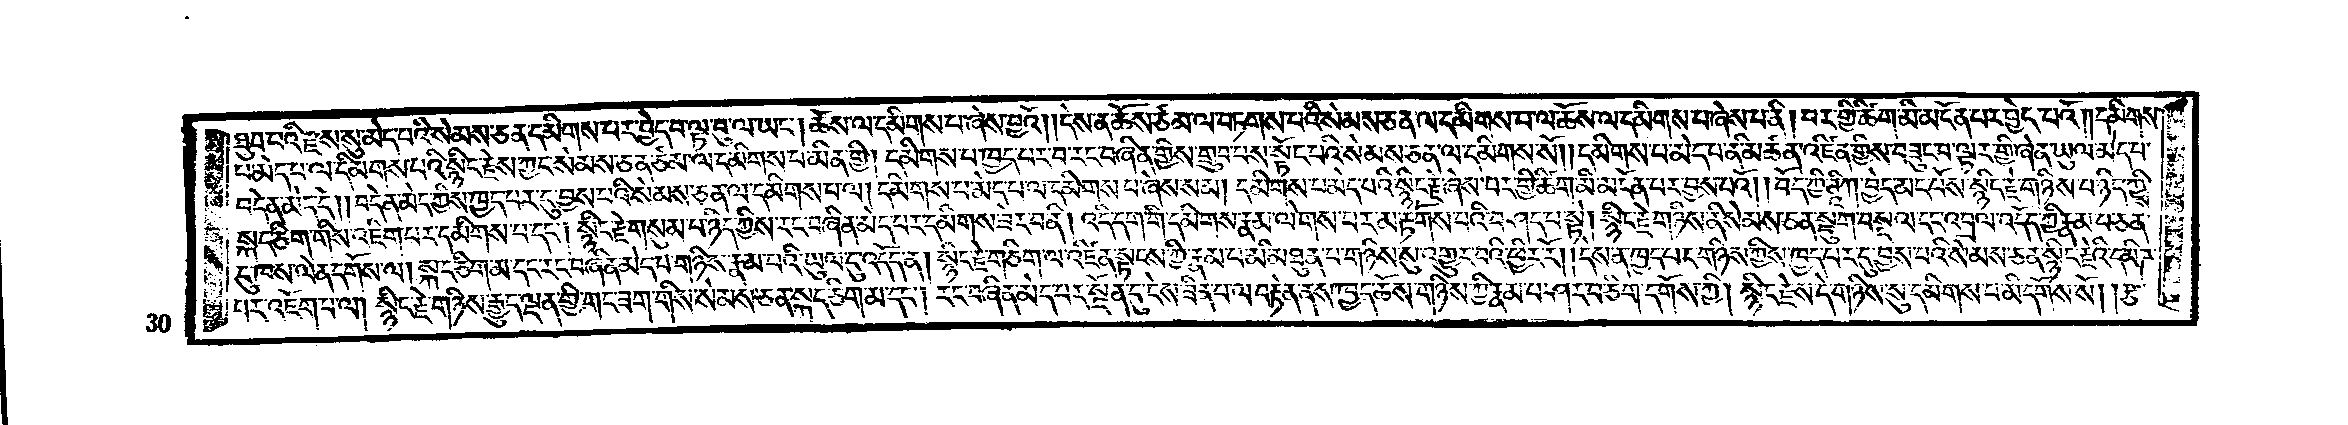ཐུབ་པའི་རྫས་སུ་མེད་པའི་སེམས་ཅན་དམིགས་པར་བྱེད་པ་ལྟ་བུ་ལ་ཡང་། ཆོས་ལ་དམིགས་པ་ཞེས་བྱའོ། །དེས་ན་ཆོས་ཙམ་ལ་བཏགས་པའི་སེམས་ཅན་ལ་དམིགས་པ་ལ་ཆོས་ལ་དམིགས་པ་ཞེས་པ་ནི། བར་གྱི་ཚིག་མི་མངོན་པར་བྱེད་པའོ། །དམིགས་
པ་མེད་པ་ལ་དམིགས་པའི་སྙིང་རྗེས་ཀྱང་སེམས་ཅན་ཙམ་ལ་དམིགས་པ་མིན་གྱི། དམིགས་པ་ཁྱད་པར་བ་རང་བཞིན་གྱིས་གྲུབ་པས་སྟོང་པའི་སེམས་ཅན་ལ་དམིགས་སོ། །དམིགས་པ་མེད་པ་ནི་མཚན་འཛིན་གྱིས་བཟུང་བ་ལྟར་གྱི་ཞེན་ཡུལ་མེད་པ་
བདེན་མེད་དོ། །བདེན་མེད་ཀྱིས་ཁྱད་པར་དུ་བྱས་པའི་སེམས་ཅན་ལ་དམིགས་པ་ལ། དམིགས་པ་མེད་པ་ལ་དམིགས་པ་ཞེས་སམ། དམིགས་པ་མེད་པའི་སྙིང་རྗེ་ཞེས་བར་གྱི་ཚིག་མི་མངོན་པར་བྱས་པའོ། །བོད་ཀྱི་ཊཱིཀ་བྱེད་མང་པོས་སྙིང་རྗེ་གཉིས་པ་ཉིད་ཀྱིས་
སྐད་ཅིག་གིས་འཇིག་པར་དམིགས་པ་དང་། སྙིང་རྗེ་གསུམ་པ་ཉིད་ཀྱིས་རང་བཞིན་མེད་པར་དམིགས་ཟེར་བ་ནི། འདི་དག་གི་དམིགས་རྣམ་ལེགས་པར་མ་རྟོགས་པའི་བཤད་པ་སྟེ། སྙིང་རྗེ་གཉིས་ནི་སེམས་ཅན་སྡུག་བསྔལ་དང་འབྲལ་འདོད་ཀྱི་རྣམ་པ་ཅན་
དུ་ཁས་ལེན་དགོས་ལ། སྐད་ཅིག་མ་དང་རང་བཞིན་མེད་པ་གཉིས་རྣམ་པའི་ཡུལ་དུ་འདོད་ན། སྙིང་རྗེ་གཅིག་ལ་འཛིན་སྟངས་ཀྱི་རྣམ་པ་མི་མཐུན་པ་གཉིས་སུ་འགྱུར་བའི་ཕྱིར་རོ། །དེས་ན་ཁྱད་པར་གཉིས་ཀྱིས་ཁྱད་པར་དུ་བྱས་པའི་སེམས་ཅན་སྙིང་རྗེའི་དམིགས་
པར་འཇོག་པ་ལ། སྙིང་རྗེ་གཉིས་རྒྱུད་ལྡན་གྱི་གང་ཟག་གིས་སེམས་ཅན་སྐད་ཅིག་མ་དང་། རང་བཞིན་མེད་པར་སྔོན་དུ་ངེས་ཟིན་པ་ལ་བརྟེན་ནས་ཁྱད་ཆོས་གཉིས་ཀྱི་རྣམ་པ་ཤར་བ་ཅིག་དགོས་ཀྱི། སྙིང་རྗེས་དེ་གཉིས་སུ་དམིགས་པ་མི་དགོས་སོ། །རྩ་